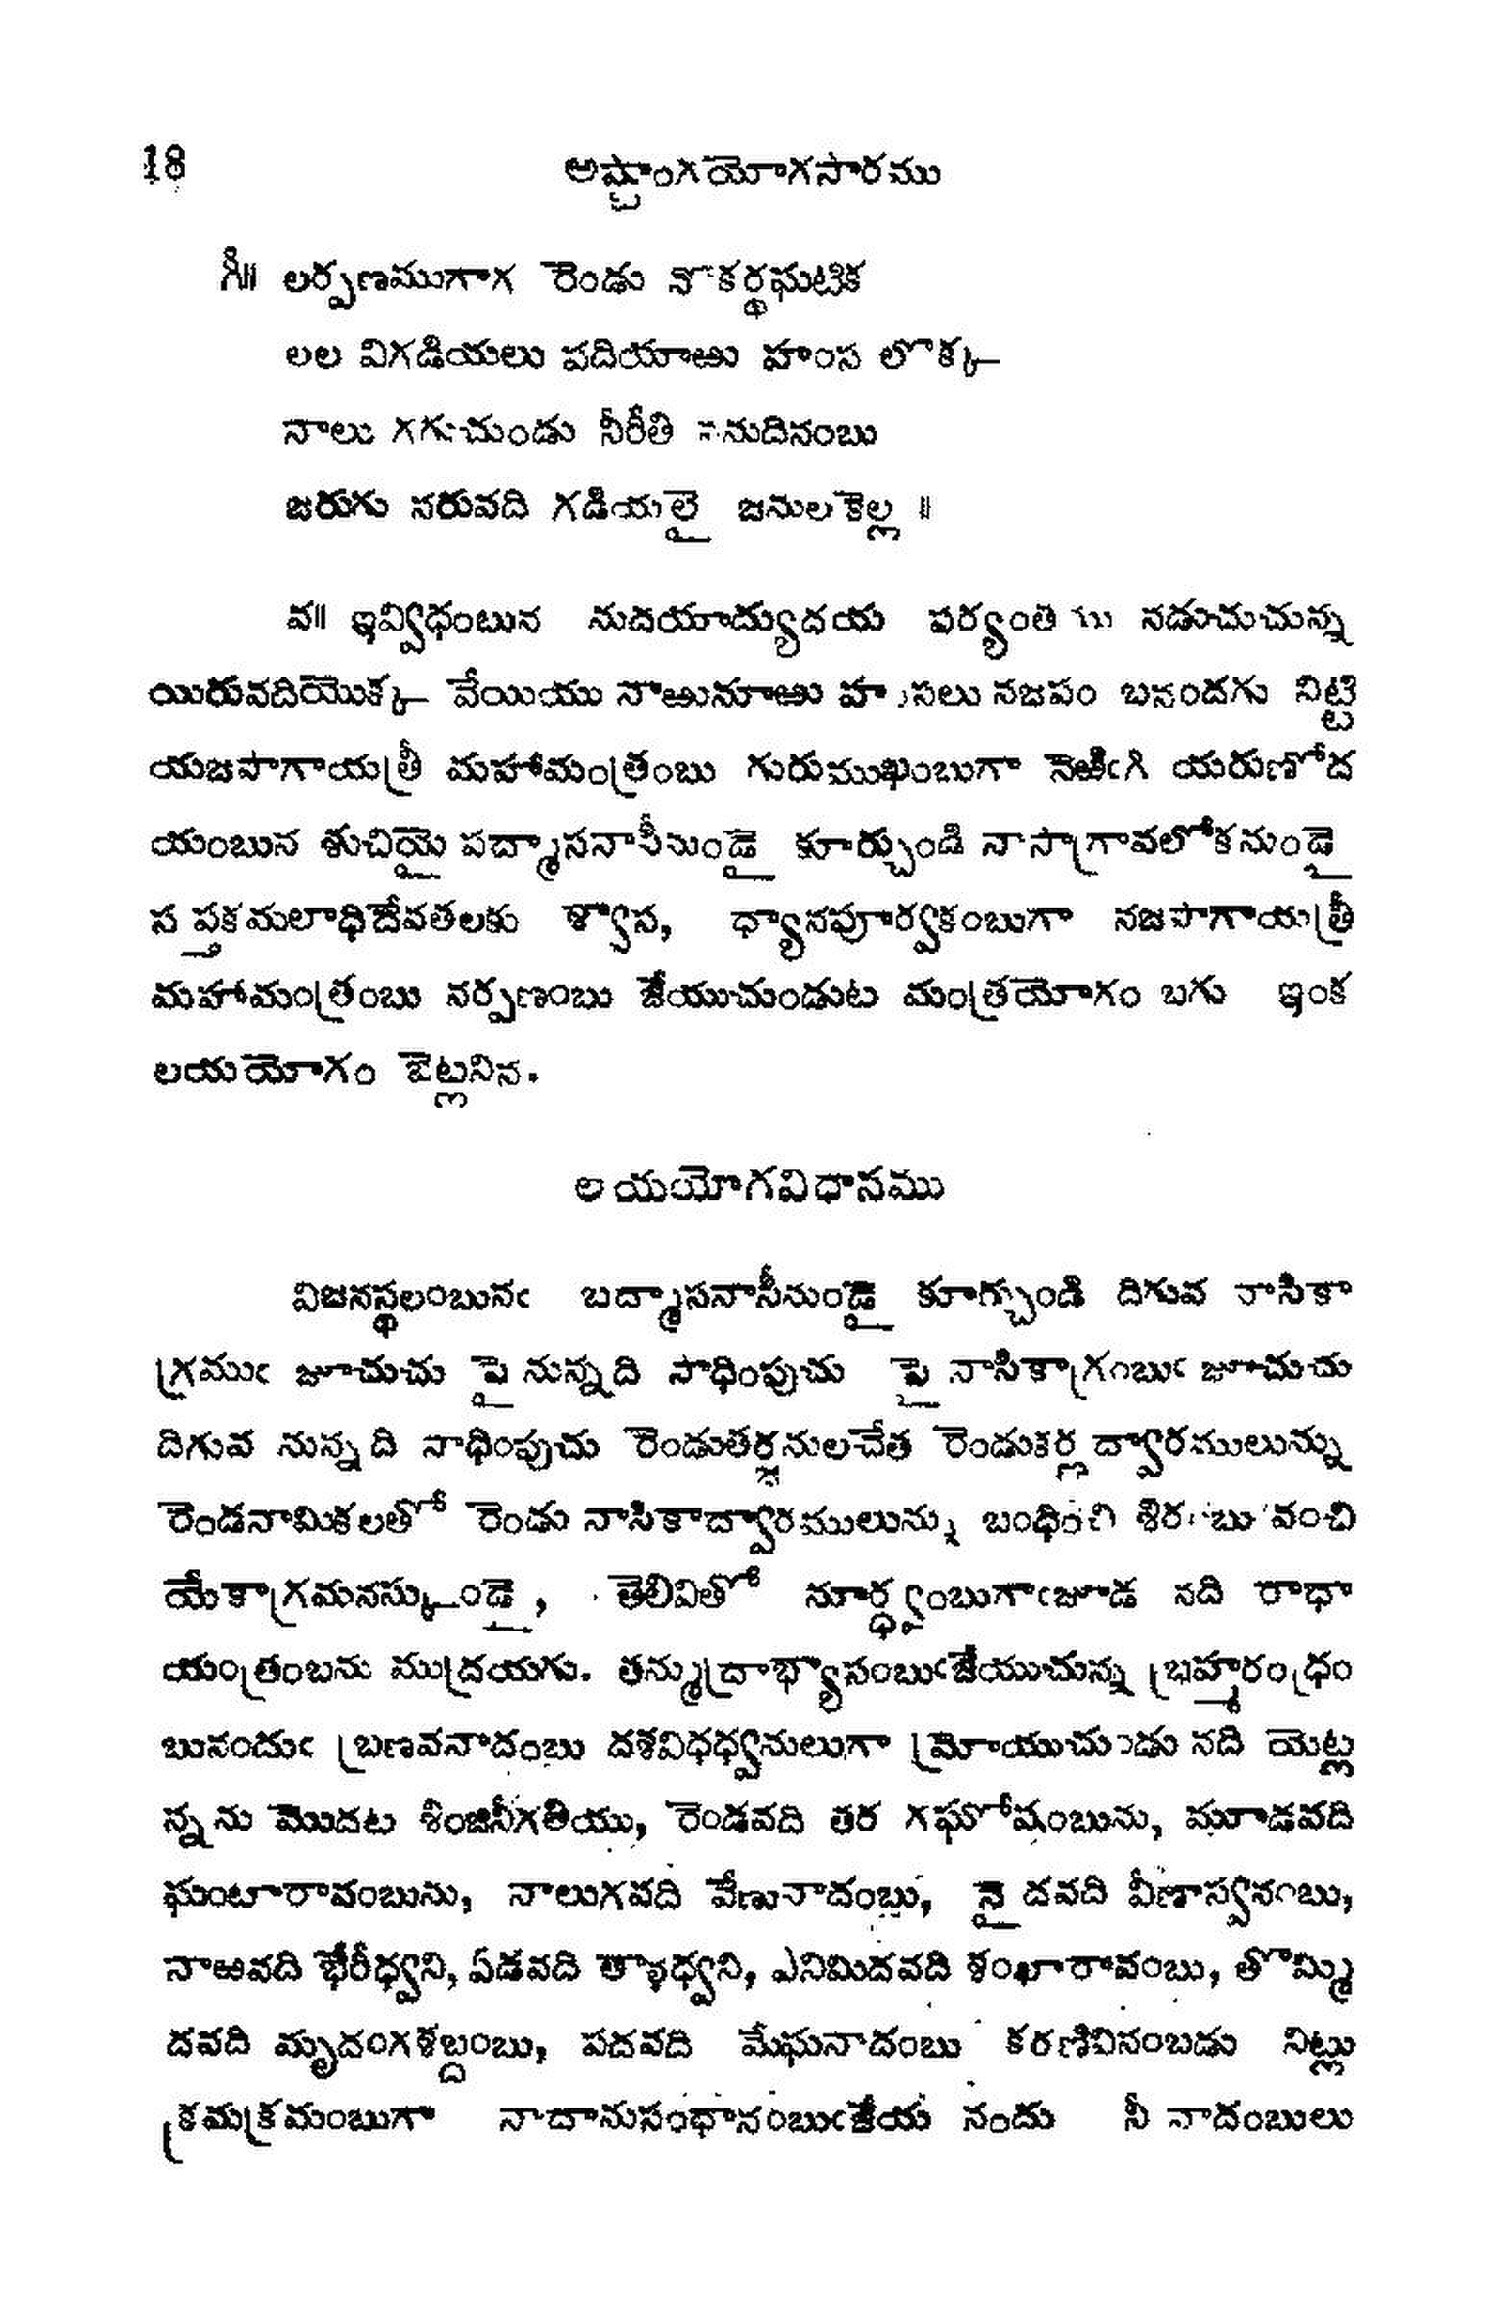గీ. లర్పణముగాగ రెండు నొకర్ధఘటిక
 లల విగడియలు పదియాఱు హంస లొక్క
 నాలు గగుచుండు నీరీతి ననుదినంబు
 జరుగు నరువది గడియలై జనుల కెల్ల.
వ. ఇవ్విధంబున నుదయాద్యుదయ పర్యంతము నడుచుచున్న యిరువదియొక్క వేయియు నాఱునూఱు హంసలు నజపం బనందగు నిట్టి యజపాగాయత్రీమహామంత్రంబు గురుముఖంబుగా నెఱిఁగి యరుణోదయంబున శుచియై పద్మాసనాసీనుండై కూర్చుండి నాసాగ్రావలోకనుండై సప్తకమలాధిదేవతలకు శ్వాస, ధ్యానపూర్వకంబుగా నజపాగాయత్రీమహామంత్రంబు నర్పణంబు జేయుచుండుట మంత్రయోగం బగు ఇంక లయయోగం బెట్లనిన.

విజనస్థలంబునఁ బద్మాసనాసీనుండై కూర్చుండి దిగువ నాసికాగ్రముఁ జూచుచు పై నున్నది సాధింపుచు పై నాసికాగ్రంబుఁ జూచుచు దిగువ నున్నది సాధింపుచు రెండుతర్జనులచేత రెండుకర్లద్వారములున్ను రెండనామికలతో రెండునాసికాద్వారములున్ను బంధించి శిరంబు వంచి యేకాగ్రమనస్కుండై, తెలివితో నూర్ధ్వంబుగాఁ జూడ నది రాధాయంత్రంబను ముద్రయగు. తన్ముద్రాభ్యాసంబుఁ జేయుచున్న బ్రహ్మరంధ్రంబునందుఁ బ్రణవనాదంబు దశవిధధ్వనులుగా మ్రోయుచుండు నది యెట్లన్నను మొదట శింజినీగతియు, రెండవది తరగఘోషంబును, మూడవది ఘంటారావంబుసు, నాలుగవది వేణువాదంబు, నైదవది వీణాస్వనంబు, నాఱవది భేరీధ్వని, ఏడవది తాళధ్వని, ఎనిమిదవది శంఖారావంబు, తొమ్మిదవది మృదంగశబ్దంబు, పదవది మేఘనాదంబు కరణి వినంబడు నిట్లు క్రమక్రమంబుగా నాదానుసంధానంబుఁ జేయ నందు నీ నాదంబులు